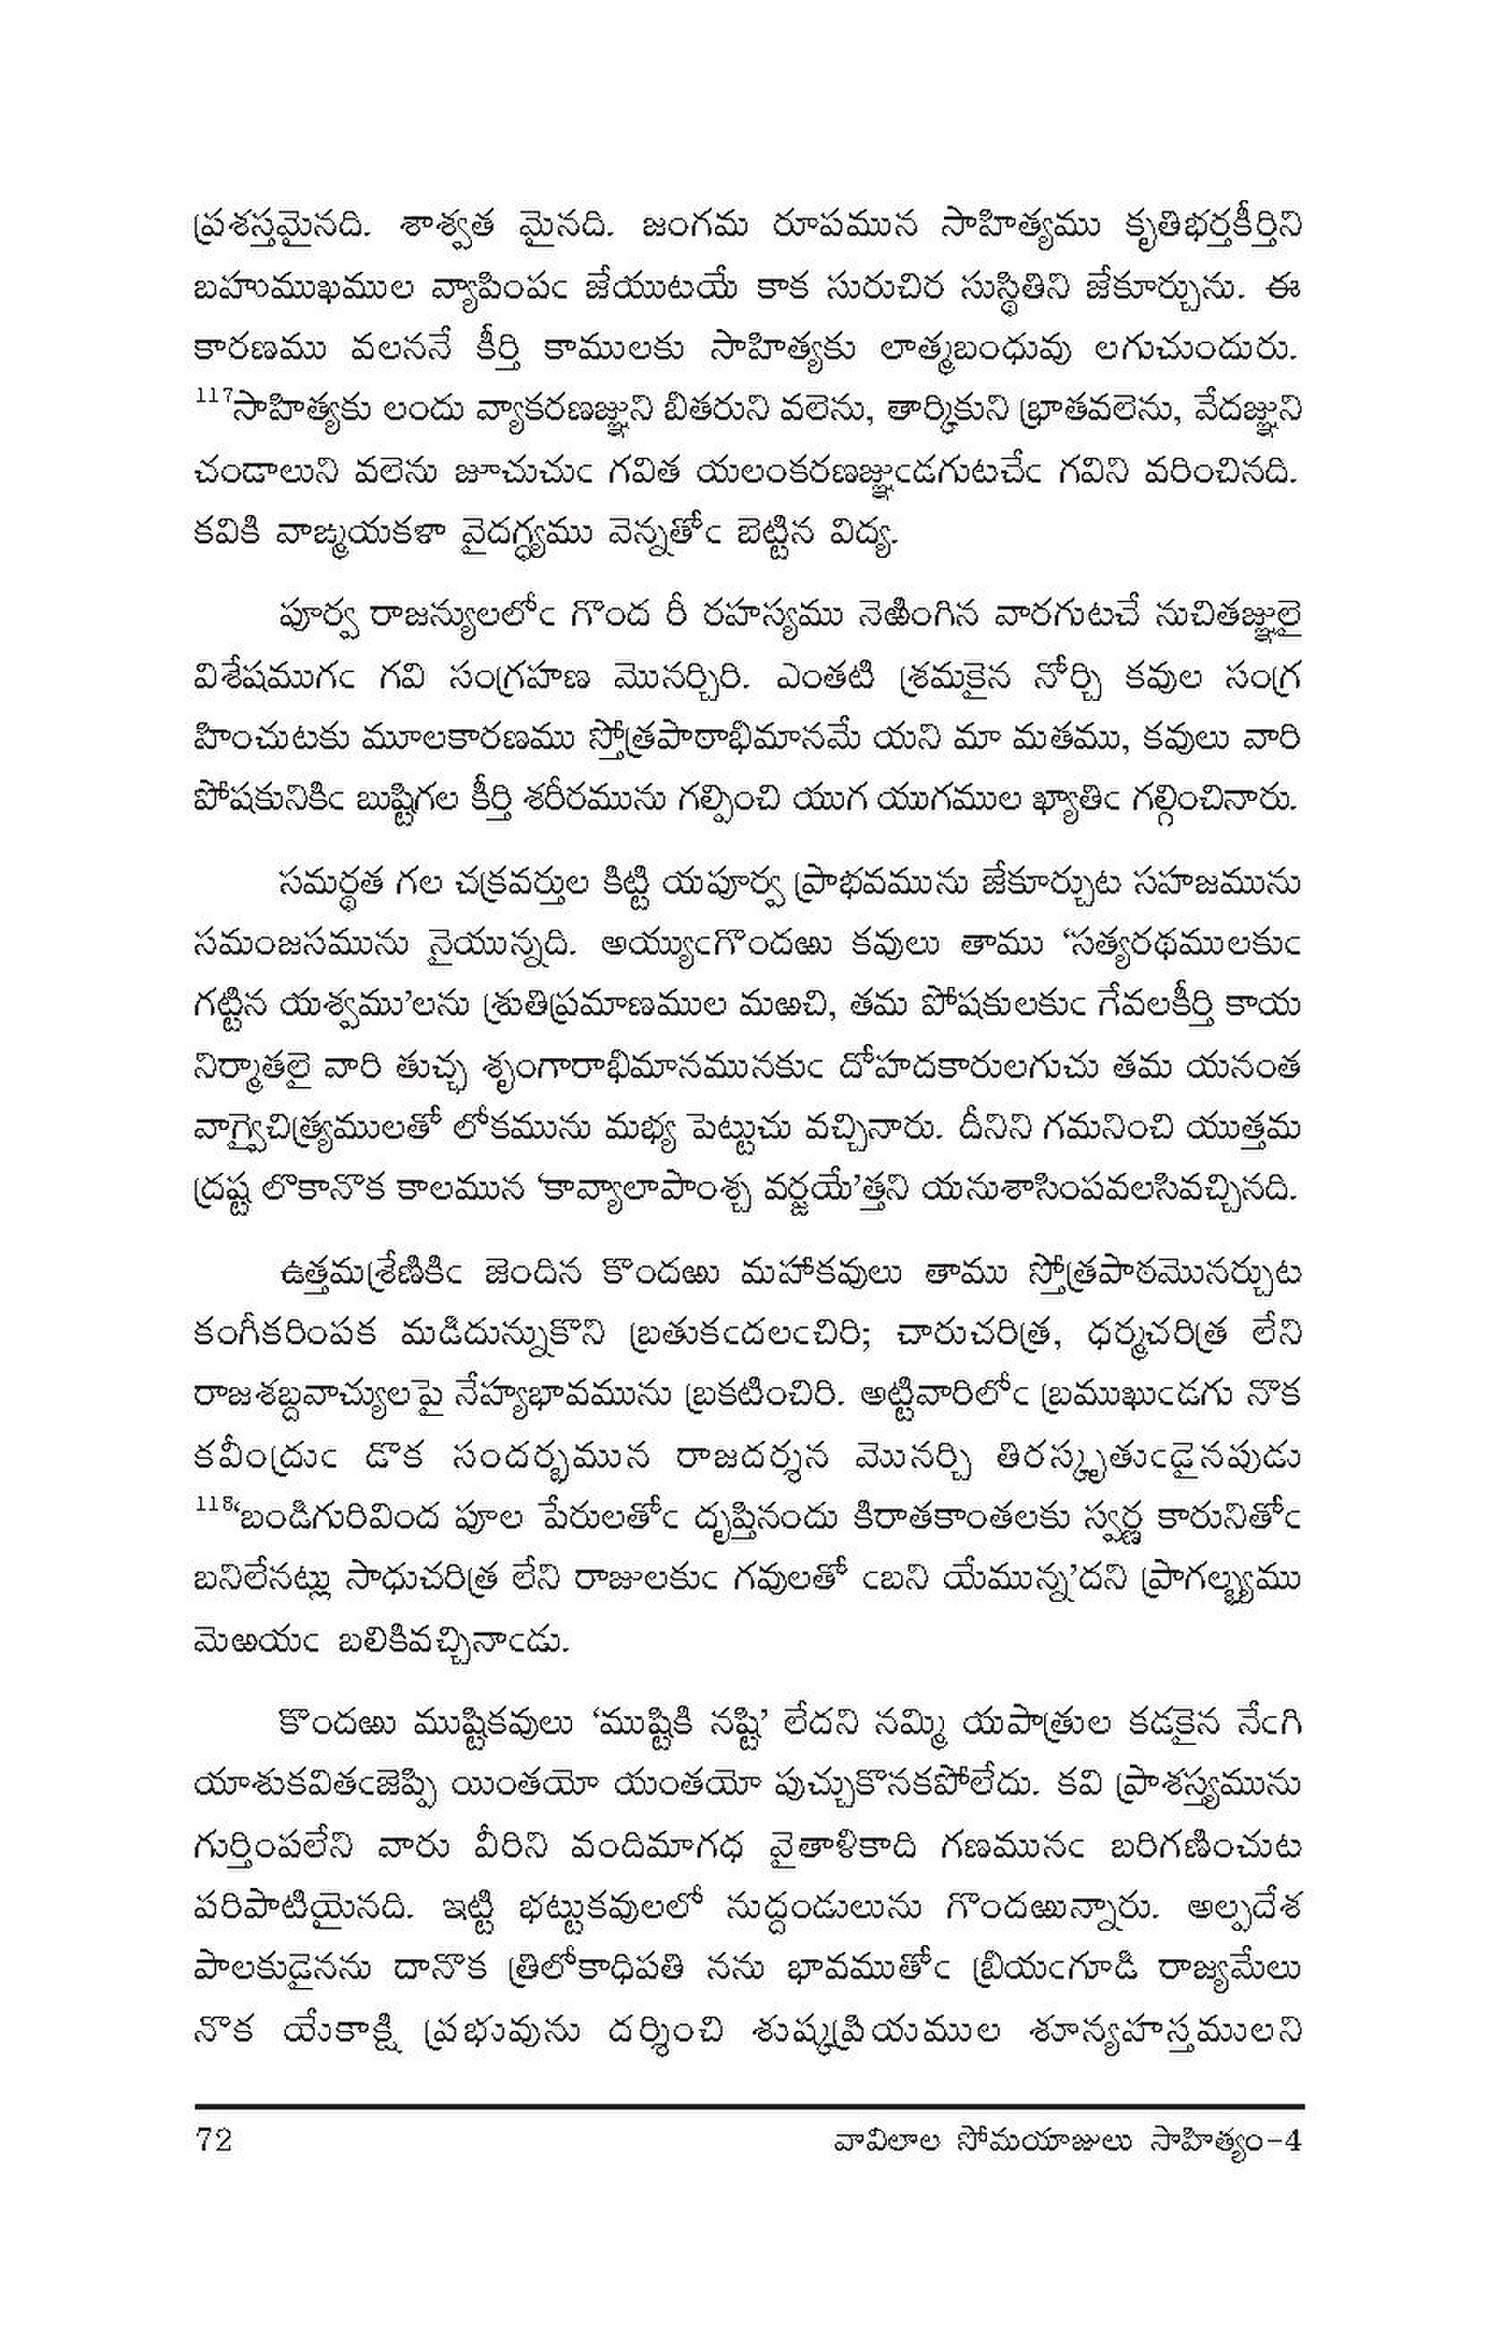ప్రశస్తమైనది. శాశ్వతమైనది. జంగమ రూపమున సాహిత్యము కృతిభర్తకీర్తిని
బహుముఖముల వ్యాపింపఁ జేయుటయే కాక సురుచిర సుస్థితిని జేకూర్చును. ఈ
కారణము వలననే కీర్తి కాములకు సాహిత్యకు లాత్మబంధువు లగుచుందురు.
సాహిత్యకు లందు వ్యాకరణజ్ఞుని బితరుని వలెను, తార్కికుని భ్రాతవలెను, వేదజ్ఞుని
చండాలుని వలెను జూచుచుఁ గవిత యలంకరణజ్ఞుఁడగుటచేఁ గవిని వరించినది.
కవికి వాఙ్మయకళా వైదగ్ధ్యము వెన్నతోఁ బెట్టిన విద్య.

పూర్వ రాజన్యులలోఁ గొంద రీ రహస్యము నెఱింగిన వారగుటచే నుచితజ్ఞులై
విశేషముగఁ గవి సంగ్రహణ మొనర్చిరి. ఎంతటి శ్రమకైన నోర్చి కవుల సంగ్ర
హించుటకు మూలకారణము స్తోత్రపాఠాభిమానమే యని మా మతము, కవులు వారి
పోషకునికిఁ బుష్టిగల కీర్తి శరీరమును గల్పించి యుగ యుగముల ఖ్యాతిఁ గల్గించినారు.

సమర్ధత గల చక్రవర్తుల కిట్టి యపూర్వ ప్రాభవమును జేకూర్చుట సహజమును
సమంజసమును నైయున్నది. అయ్యుఁగొందఱు కవులు తాము 'సత్యరథములకుఁ
గట్టిన యశ్వము'లను శ్రుతిప్రమాణముల మఱచి, తమ పోషకులకుఁ గేవలకీర్తి కాయ
నిర్మాతలై వారి తుచ్ఛ శృంగారాభిమానమునకుఁ దోహదకారులగుచు తమ యనంత
వాగ్వైచిత్రములతో లోకమును మభ్య పెట్టుచు వచ్చినారు. దీనిని గమనించి యుత్తమ
ద్రష్ట లొకానొక కాలమున 'కావ్యాలాపాంశ్చ వర్జయే'త్తని యనుశాసింపవలసివచ్చినది.

ఉత్తమశ్రేణికిఁ జెందిన కొందఱు మహాకవులు తాము స్తోత్రపాఠమొనర్చుట
కంగీకరింపక మడిదున్నుకొని బ్రతుకఁదలఁచిరి; చారుచరిత్ర, ధర్మచరిత్ర లేని
రాజశబ్దవాచ్యులపై నేహ్యభావమును బ్రకటించిరి. అట్టివారిలోఁ బ్రముఖుఁడగు నొక
కవీంద్రుఁ డొక సందర్భమున రాజదర్శన మొనర్చి తిరస్కృతుఁడైనపుడు
'బండిగురివింద పూల పేరులతోఁ దృప్తినందు కిరాతకాంతలకు స్వర్ణ కారునితోఁ
బనిలేనట్లు సాధుచరిత్ర లేని రాజులకుఁ గవులతోఁ బని యేమున్నదని ప్రాగల్భ్యము
మెఱయఁ బలికివచ్చినాఁడు.

కొందఱు ముష్టికవులు 'ముష్టికి నష్టి' లేదని నమ్మి యపాత్రుల కడకైన నేఁగి
యాశుకవితఁజెప్పి యింతయో యంతయో పుచ్చుకొనకపోలేదు. కవి ప్రాశస్త్యమును
గుర్తింపలేని వారు వీరిని వందిమాగధ వైతాళికాది గణమునఁ బరిగణించుట
పరిపాటియైనది. ఇట్టి భట్టుకవులలో నుద్దండులును గొందఱున్నారు. అల్పదేశ
పాలకుడైనను దానొక త్రిలోకాధిపతి నను భావముతోఁ బ్రియఁగూడి రాజ్యమేలు
నొక యేకాక్షి ప్రభువును దర్శించి శుష్కప్రియముల శూన్యహస్తములని